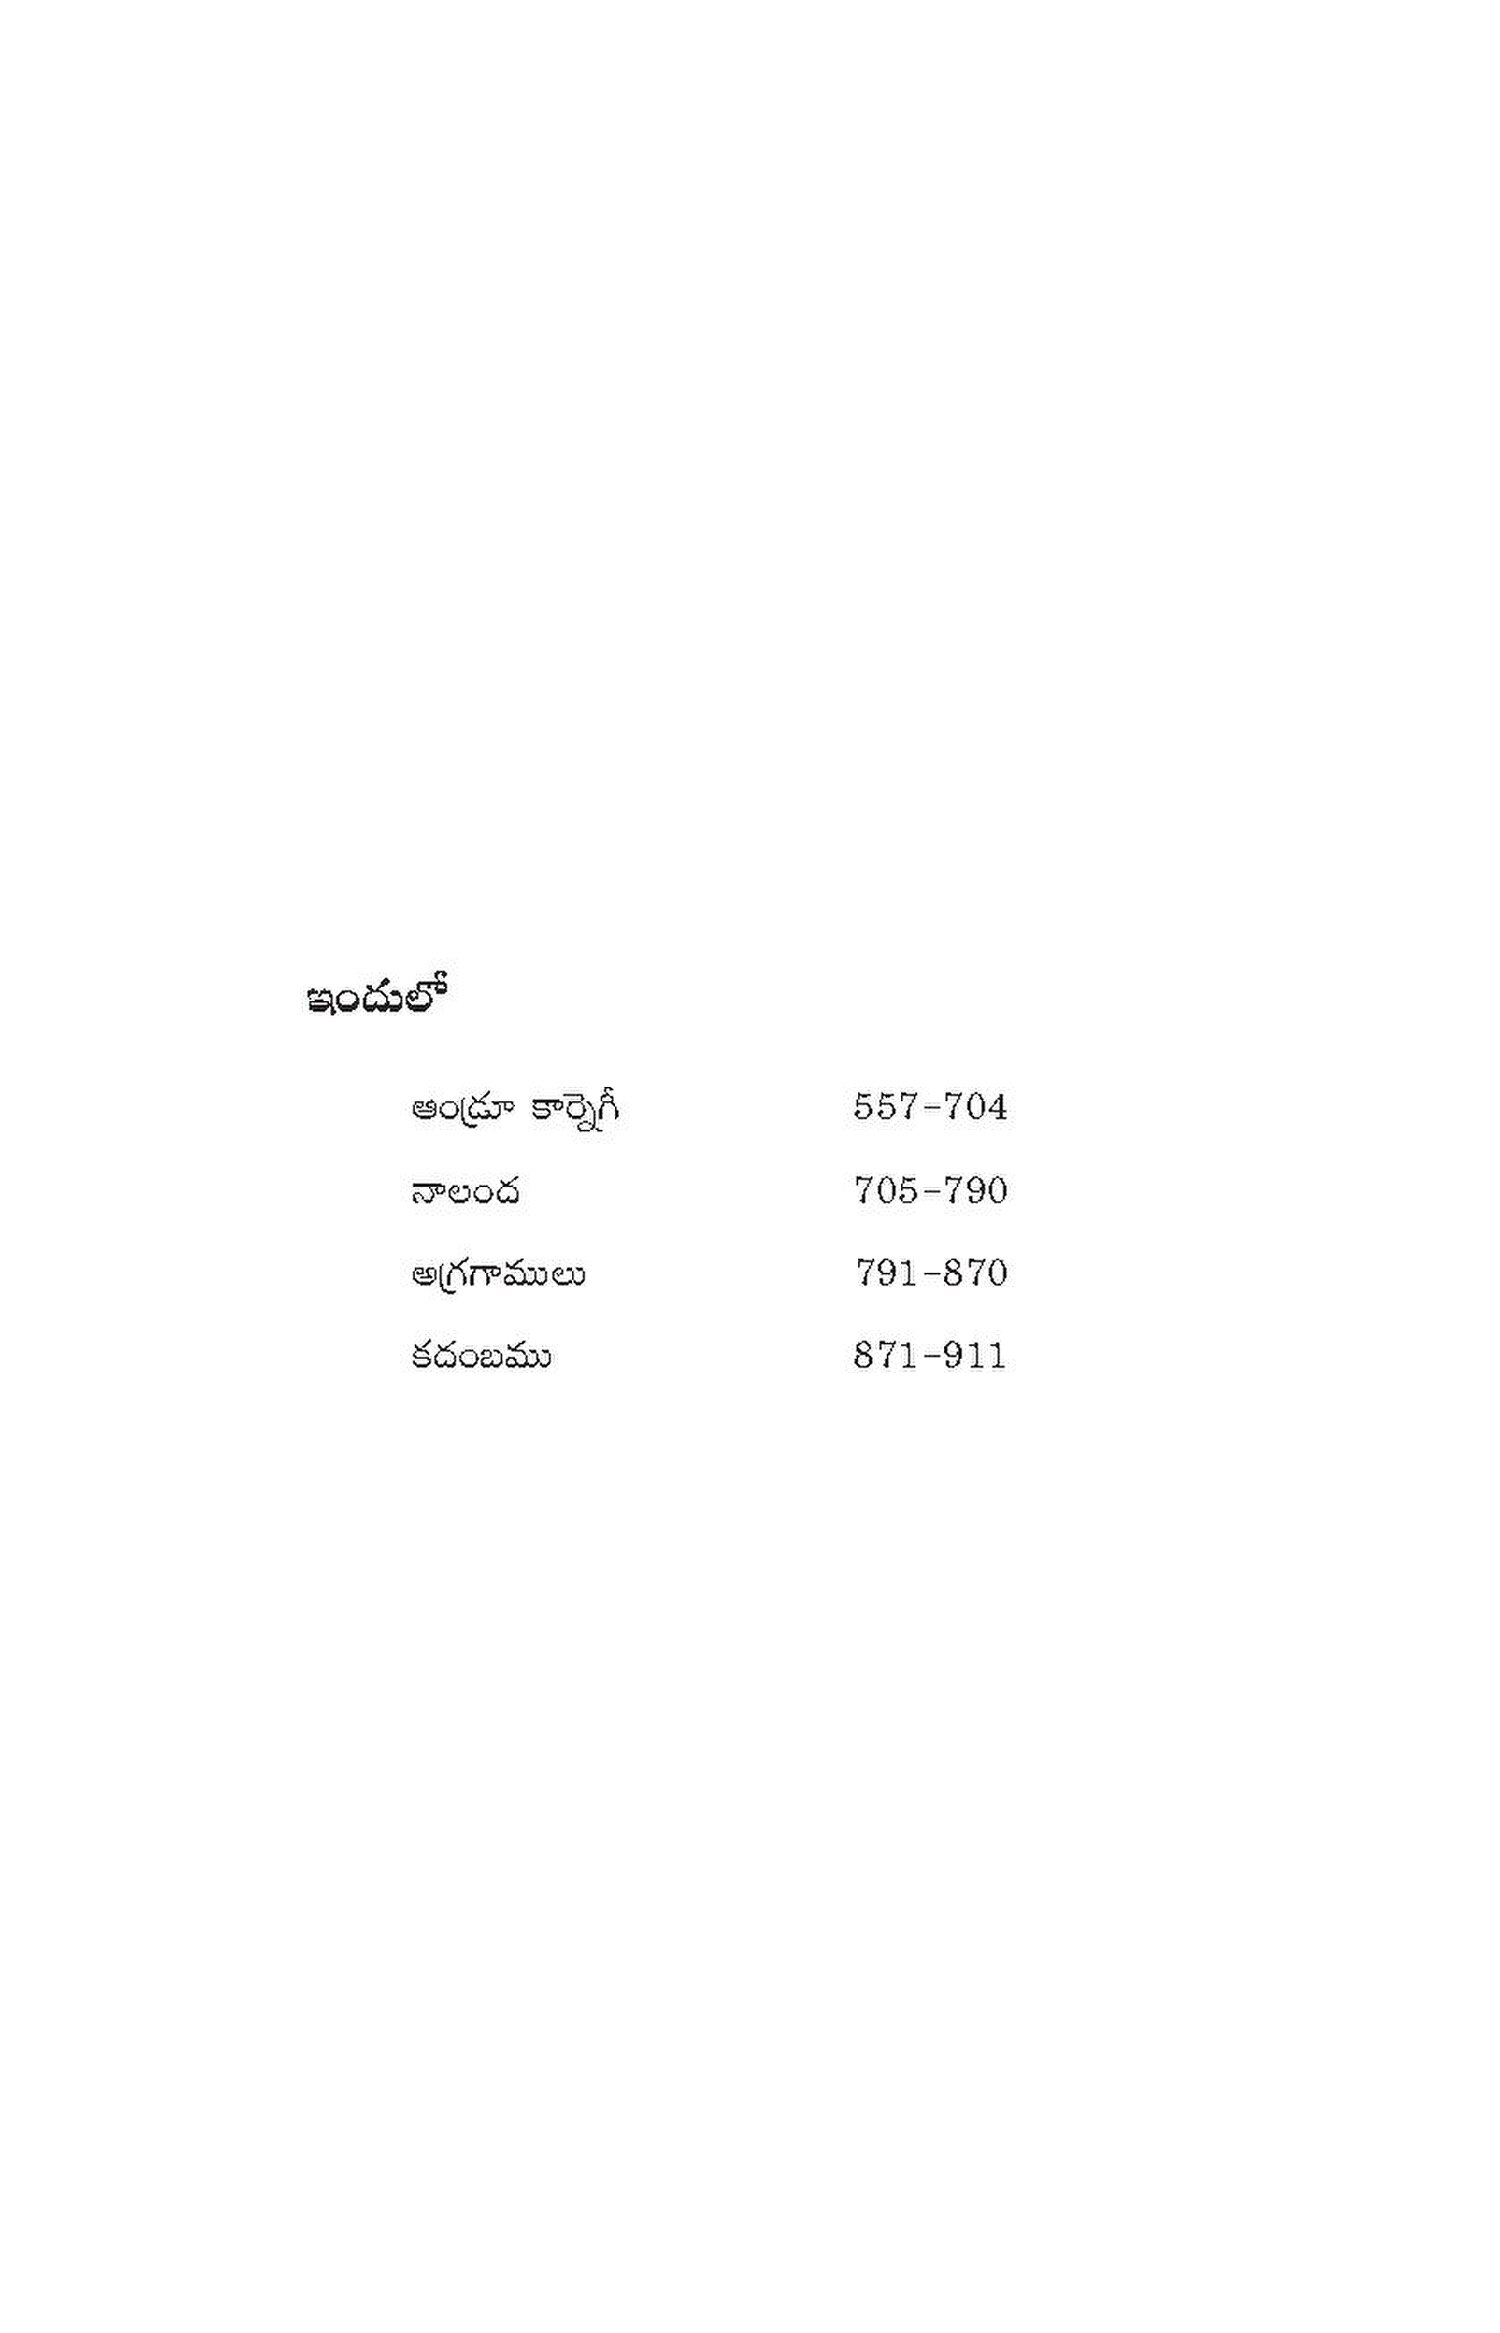ఇందులో

ఆండ్రూ కార్నెగీ 557-704

నాలంద 705-790

అగ్రగాములు 791-870

కదంబము 871-911